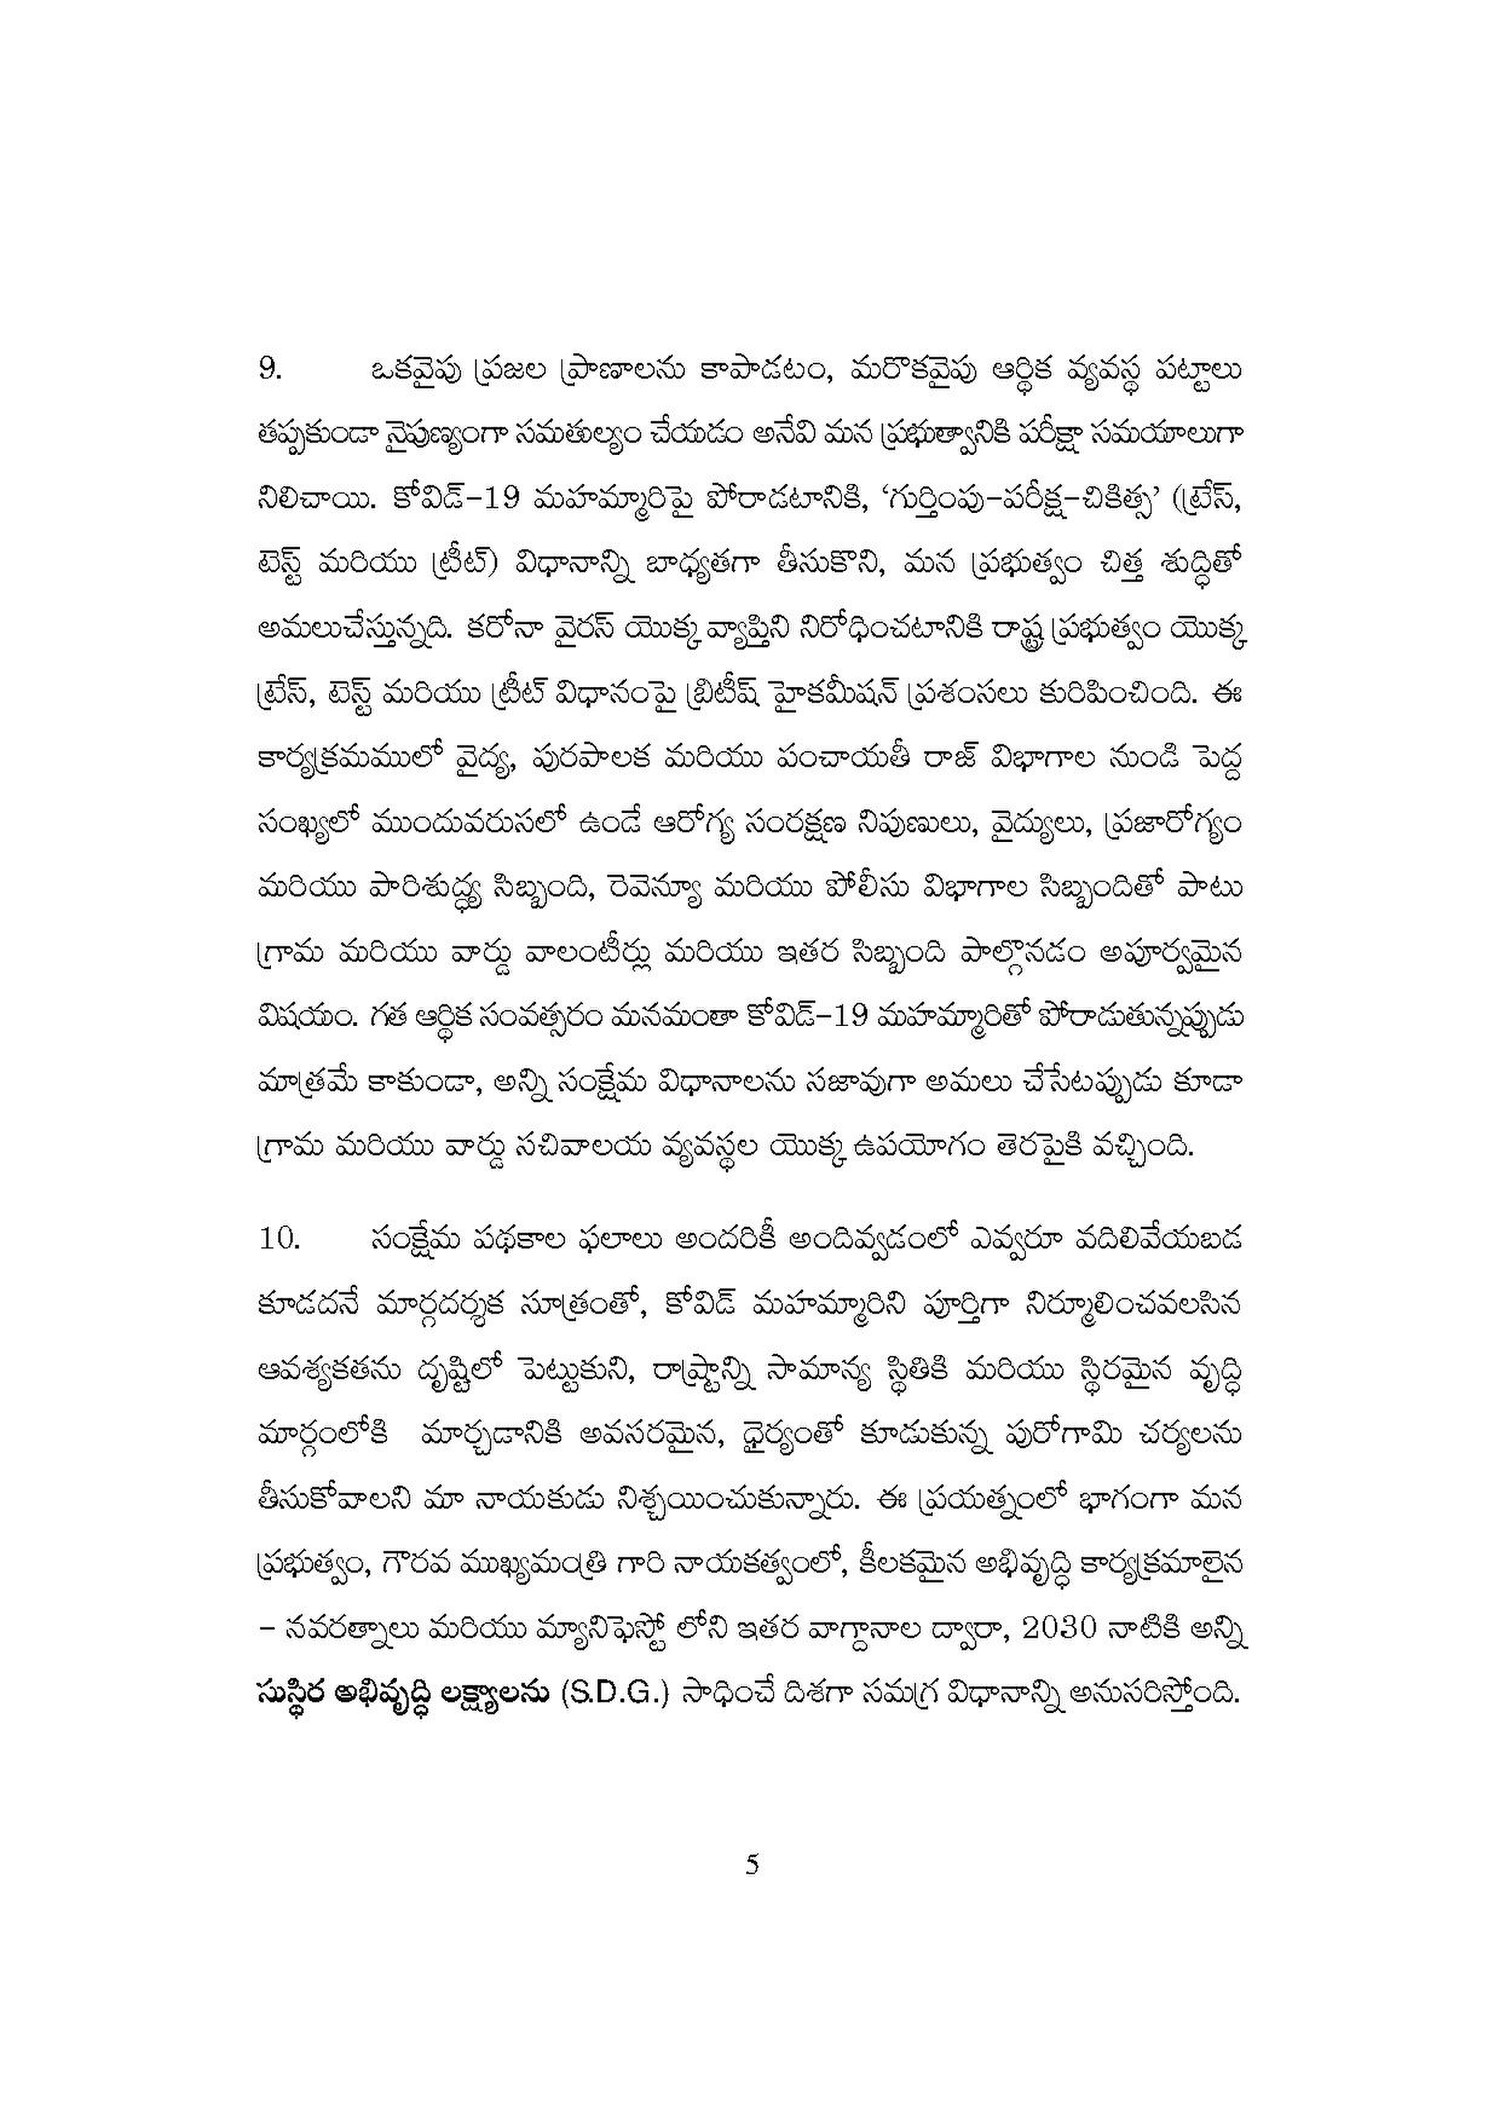9. ఒకవైపు ప్రజల ప్రాణాలను కాపాడటం, మరొకవైపు ఆర్థిక వ్యవస్థ పట్టాలు
తప్పకుండా నైపుణ్యంగా సమతుల్యం చేయడం అనేవి మన ప్రభుత్వానికి పరీక్షా సమయాలుగా
నిలిచాయి. కోవిడ్-19 మహమ్మారిపై పోరాడటానికి, 'గుర్తింపు-పరీక్ష-చికిత్స' (ట్రేస్,
టెస్ట్ మరియు ట్రీట్) విధానాన్ని బాధ్యతగా తీసుకొని, మన ప్రభుత్వం చిత్త శుద్ధితో
అమలుచేస్తున్నది. కరోనా వైరస్ యొక్క వ్యాప్తిని నిరోధించటానికి రాష్ట్ర ప్రభుత్వం యొక్క
ట్రేస్, టెస్ట్ మరియు ట్రీట్ విధానంపై బ్రిటీష్ హైకమీషన్ ప్రశంసలు కురిపించింది. ఈ
కార్యక్రమములో వైద్య, పురపాలక మరియు పంచాయతీ రాజ్ విభాగాల నుండి పెద్ద
సంఖ్యలో ముందువరుసలో ఉండే ఆరోగ్య సంరక్షణ నిపుణులు, వైద్యులు, ప్రజారోగ్యం
మరియు పారిశుద్ధ్య సిబ్బంది, రెవెన్యూ మరియు పోలీసు విభాగాల సిబ్బందితో పాటు
గ్రామ మరియు వార్డు వాలంటీర్లు మరియు ఇతర సిబ్బంది పాల్గొనడం అపూర్వమైన
విషయం. గత ఆర్ధిక సంవత్సరం మనమంతా కోవిడ్-19 మహమ్మారితో పోరాడుతున్నప్పుడు
మాత్రమే కాకుండా, అన్ని సంక్షేమ విధానాలను సజావుగా అమలు చేసేటప్పుడు కూడా
గ్రామ మరియు వార్డు సచివాలయ వ్యవస్థల యొక్క ఉపయోగం తెరపైకి వచ్చింది.

10. సంక్షేమ పథకాల ఫలాలు అందరికీ అందివ్వడంలో ఎవ్వరూ వదిలివేయబడ
కూడదనే మార్గదర్శక సూత్రంతో, కోవిడ్ మహమ్మారిని పూర్తిగా నిర్మూలించవలసిన
ఆవశ్యకతను దృష్టిలో పెట్టుకుని,రాష్ట్రాన్ని సామాన్య స్థితికి మరియు స్థిరమైన వృద్ధి
మార్గంలోకి మార్చడానికి అవసరమైన, ధైర్యంతో కూడుకున్న పురోగామి చర్యలను
తీసుకోవాలని మా నాయకుడు నిశ్చయించుకున్నారు. ఈ ప్రయత్నంలో భాగంగా మన
ప్రభుత్వం, గౌరవ ముఖ్యమంత్రి గారి నాయకత్వంలో, కీలకమైన అభివృద్ధి కార్యక్రమాలైన
- నవరత్నాలు మరియు మ్యానిఫెస్టో లోని ఇతర వాగ్దానాల ద్వారా, 2030 నాటికి అన్ని
సుస్థిర అభివృద్ధి లక్ష్యాలను (S.D.G.) సాధించే దిశగా సమగ్ర విధానాన్ని అనుసరిస్తోంది.